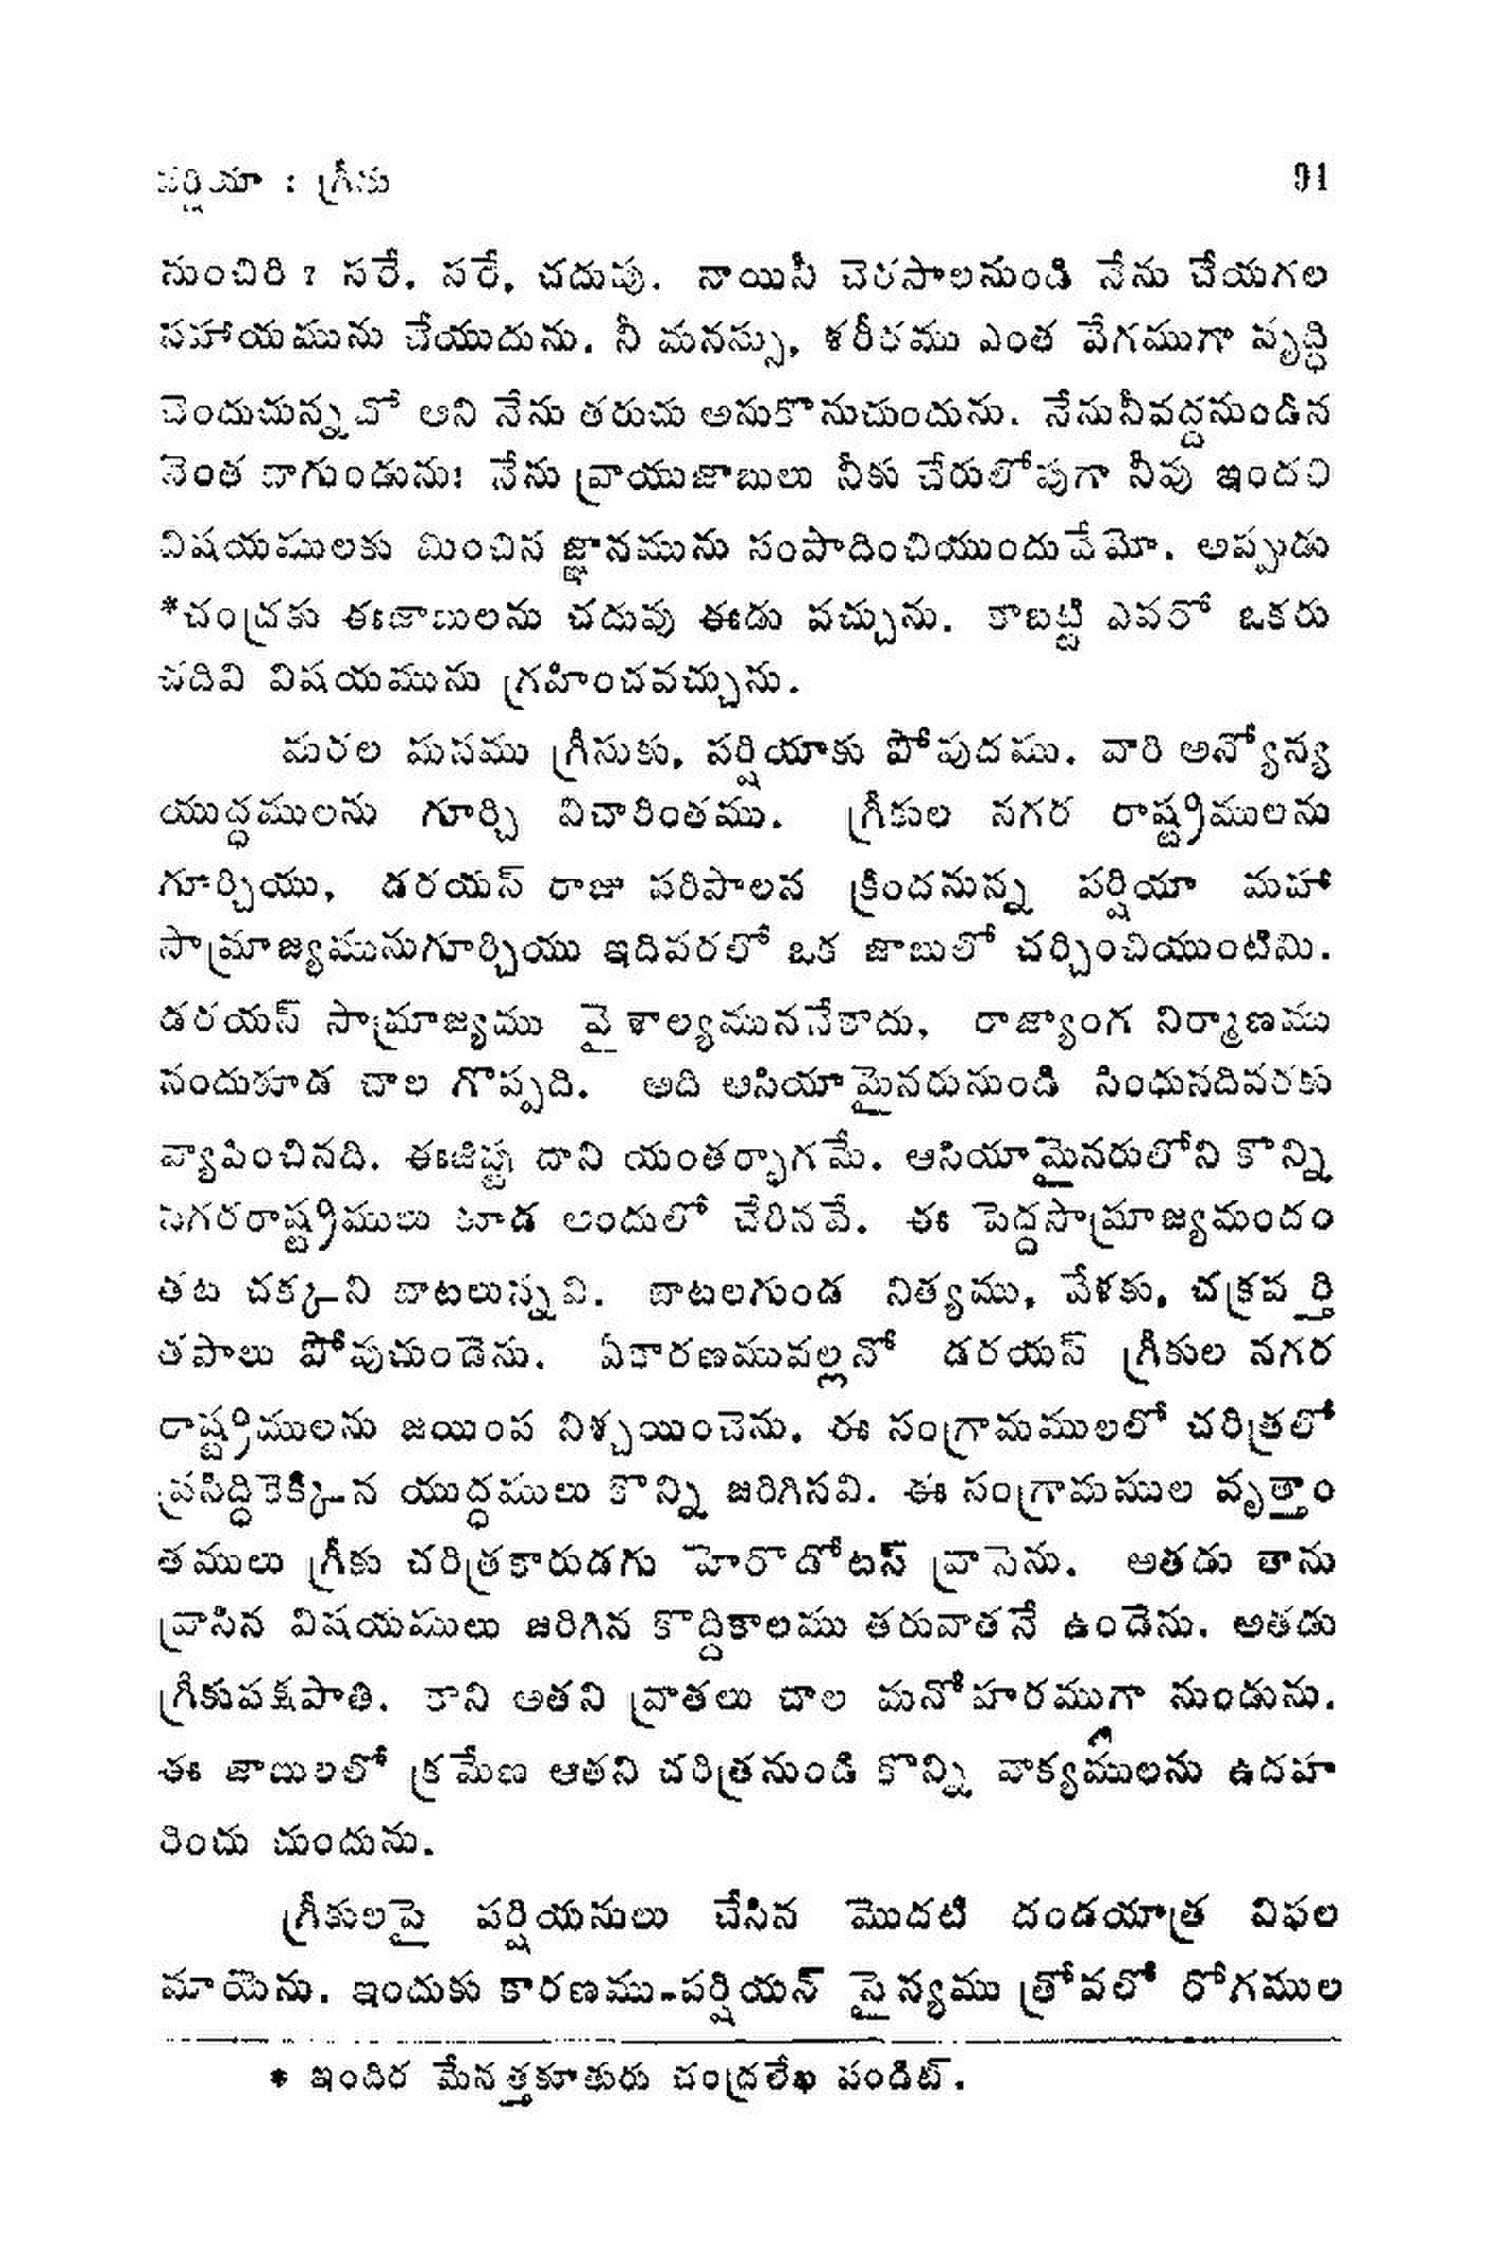నుంచిరి? సరే, సరే, చదువు, నాయినీ చెరసాలనుండి నేను చేయగల సహాయమును చేయుదును. నీ మనస్సు, శరీరము ఎంత వేగముగా వృద్ధి చెందుచున్నచో అని నేను తరుచు అనుకొనుచుందును. నేను నీవద్దనుండిన నెంత బాగుండును! నేను వ్రాయుజాబులు నీకు చేరులోపుగా నీవు ఇందలి విషయములకు మించిన జ్ఞానమును సంపాదించియుందువేమో. అప్పుడు చంద్రకు ఈ జాబులను చదువు ఈడు వచ్చును. కాబట్టి ఎవరో ఒకరు చదివి విషయమును గ్రహించవచ్చును.

మరల మనము గ్రీసుకు, పర్షియాకు పోవుదము. వారి అన్యోన్య యుద్ధములను గూర్చి విచారింతము. గ్రీకుల నగర రాష్ట్రములను గూర్చియు, డరయస్ రాజు పరిపాలన క్రిందనున్న పర్షియా మహా సామ్రాజ్యమునుగూర్చియు ఇదివరలో ఒక జాబులో చర్చించియుంటిమి. డరయస్ సామ్రాజ్యము వైశాల్యముననేకాదు, రాజ్యాంగ నిర్మాణము నందుకూడ చాల గొప్పది. అది ఆసియా మైనరునుండి సింధునదివరకు వ్యాపించినది. ఈజిప్టు, దాని యంతర్భాగమే. ఆసియా మైనరులోని కొన్ని నగరరాష్ట్రములు కూడ లందులో చేరినవే. ఈ పెద్ద సామ్రాజ్యమందంతట చక్కని బాటలున్నవి. బాటలగుండ నిత్యము, వేళకు, చక్రవర్తి తపాలు పోవుచుండెను. ఏకారణమువల్లనో డరయస్ గ్రీకుల నగర రాష్ట్రములను జయింప నిశ్చయించెను. ఈ సంగ్రామములలో చరిత్రలో ప్రసిద్ధికెక్కిన యుద్దములు కొన్ని జరిగినవి. ఈ సంగ్రామముల వృత్తాంతములు గ్రీకు చరిత్రకారుడగు హెరోడోటస్ వ్రాసెను. అతడు తానువ్రాసిన విషయములు జరిగిన కొద్దికాలము తరువాతనే ఉండేను. అతడు గ్రీకుపక్షపాతి. కాని అతని వ్రాతలు చాల మనోహరముగా నుండును. ఈ జాబులలో క్రమేణ ఆతని చరిత్రనుండి కొన్ని వాక్యములను ఉదహరించు చుందును.

గ్రీకులపై పర్షియనులు చేసిన మొదటి దండయాత్ర విఫల మాయెను. ఇందుకు కారణము-పర్షియన్ సైన్యము త్రోవలో రోగముల